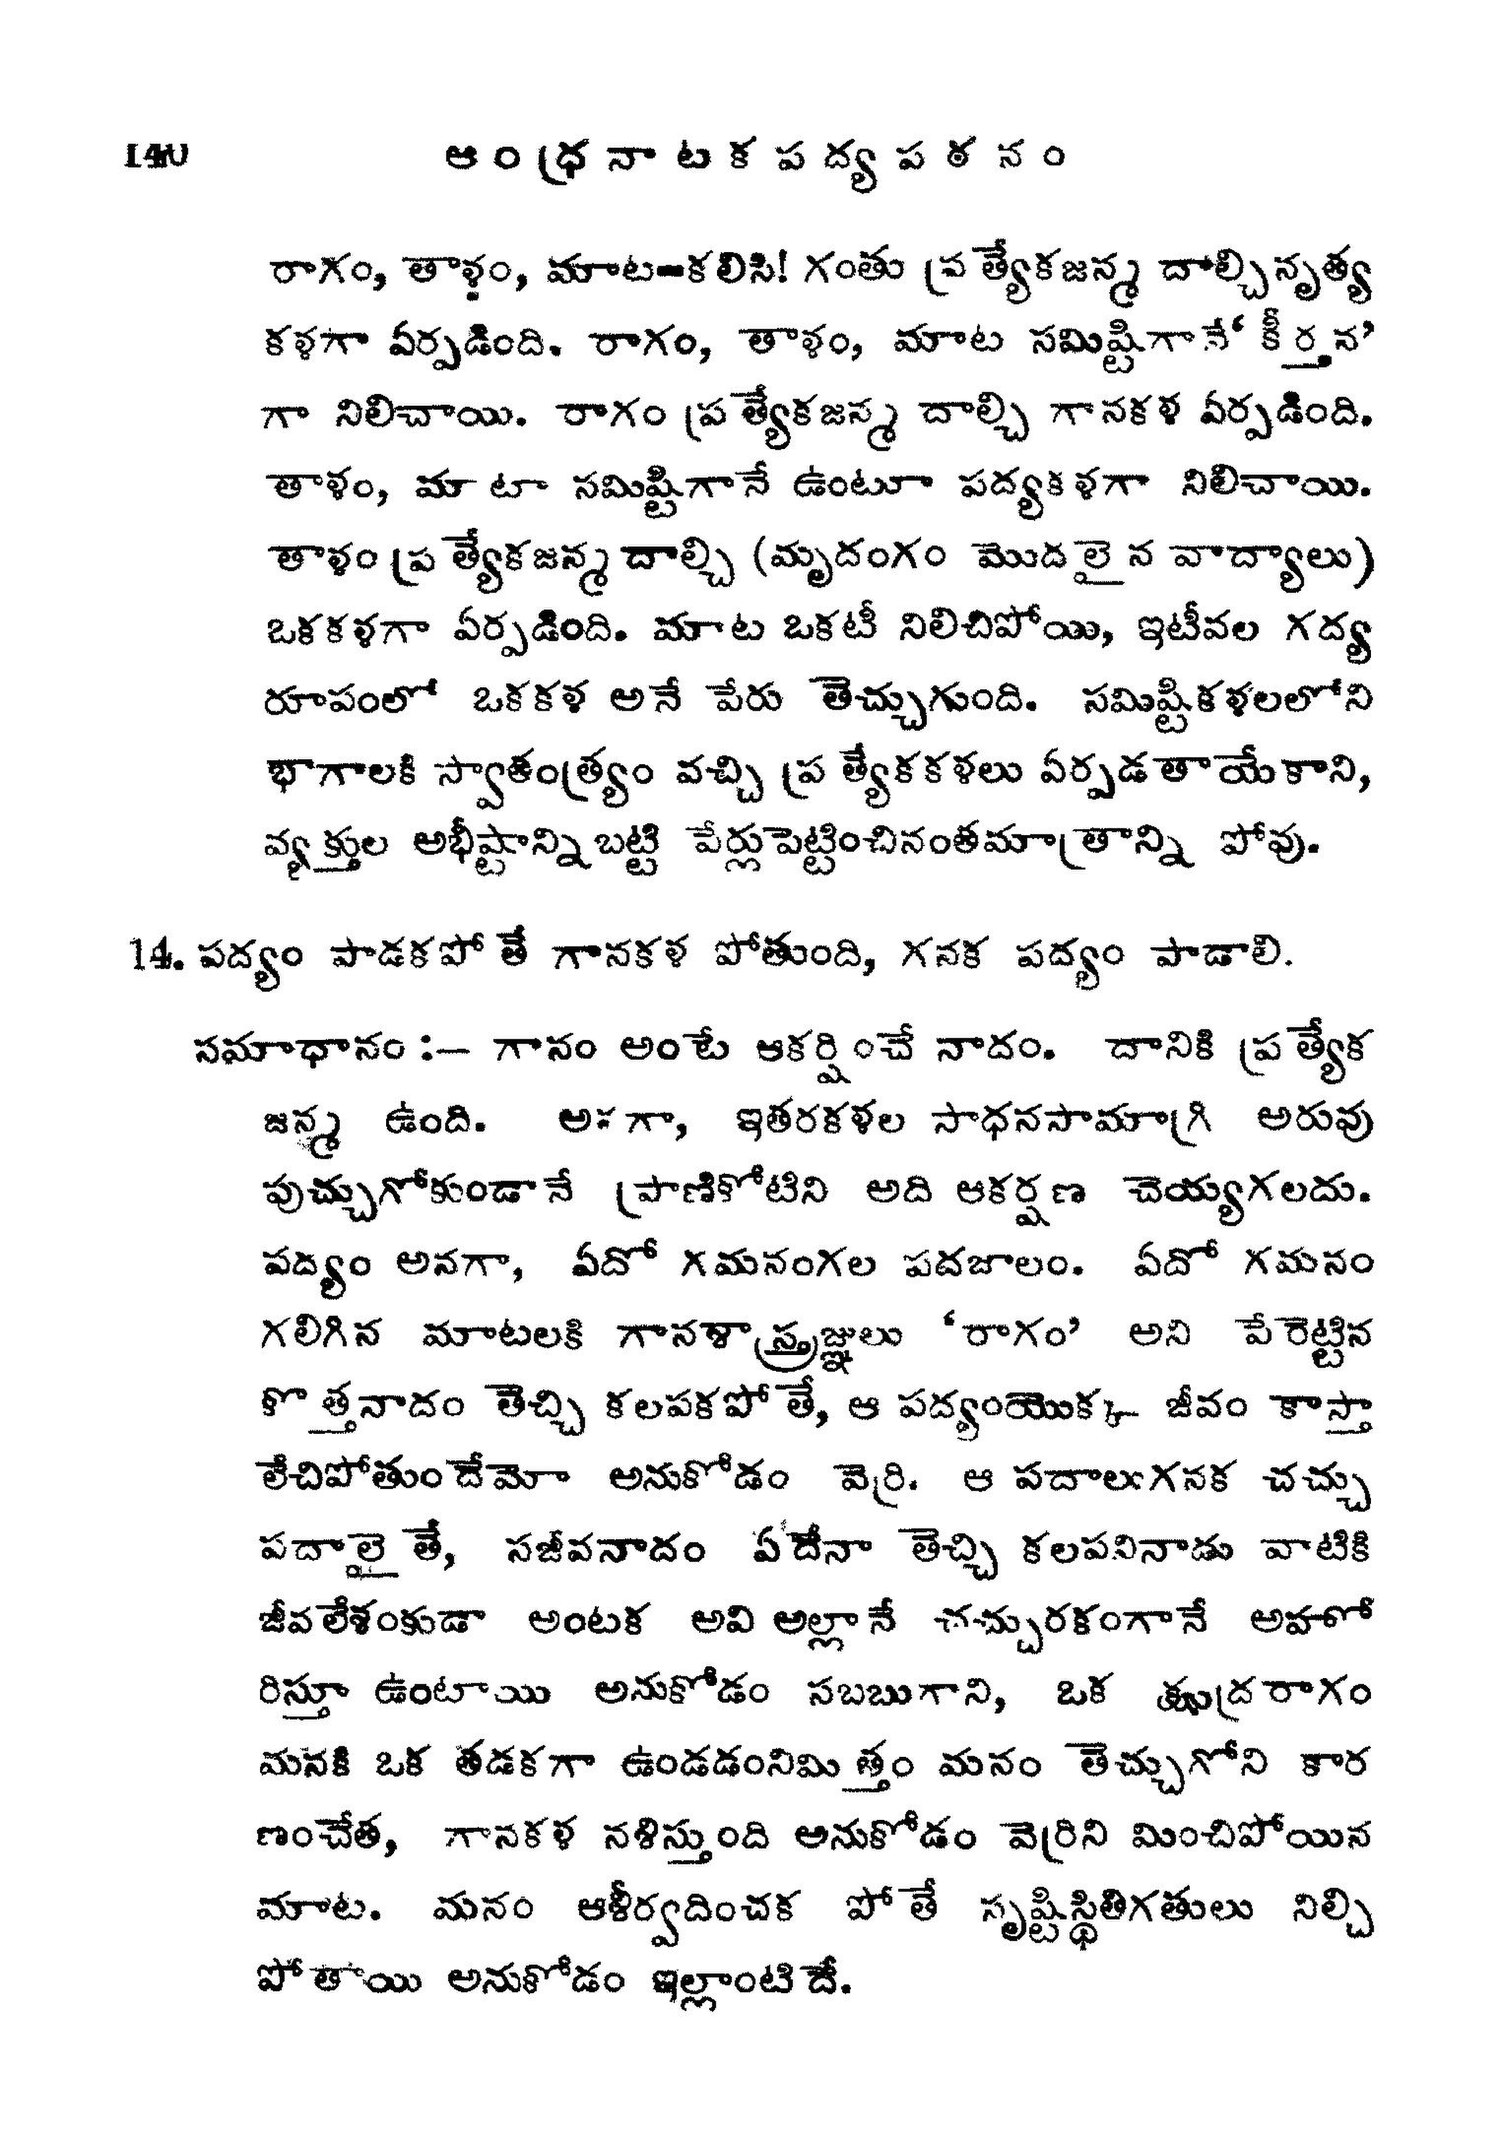రాగం, తాళం, మాట-కలిసి! గంతు ప్రత్యేకజన్మ దాల్చినృత్య
కళగా ఏర్పడింది. రాగం, తాళం, మాట సమిష్టిగానే ' కీర్తన’
గా నిలిచాయి. రాగం ప్రత్యేకజన్మ దాల్చి గానకళ ఏర్పడింది.
తాళం, మాటా సమిష్టిగానే ఉంటూ పద్యకళగా నిలిచాయి.
తాళం ప్రత్యేకజన్మ దాల్చి (మృదంగం మొదలైన వాద్యాలు)
ఒకకళగా ఏర్పడింది. మాట ఒకటీ నిలిచిపోయి, ఇటీవల గద్య
రూపంలో ఒకకళ అనే పేరు తెచ్చుగుంది. సమిష్టికళలలోని
భాగాలకి స్వాతంత్ర్యం వచ్చి ప్రత్యేకకళలు ఏర్పడతాయేకాని,
వ్యక్తుల అభీష్టాన్నిబట్టి పేర్లుపెట్టించినంతమాత్రాన్ని పోవు.

14. పద్యం పాడకపోతే గానకళ పోతుంది, గనక పద్యం పాడాలి.

సమాధానం :- గానం అంటే ఆకర్షించే నాదం. దానికి ప్రత్యేక
జన్మ ఉంది. అనగా, ఇతరకళల సాధనసామాగ్రి అరువు
పుచ్చుగోకుండానే ప్రాణికోటిని అది ఆకర్షణ చెయ్యగలదు.
పద్యం అనగా, ఏదో గమనంగల పదజాలం. ఏదో గమనం
గలిగిన మాటలకి గానశాస్త్రజ్ఞులు 'రాగం' అని పేరెట్టిన
కొత్తనాదం తెచ్చి కలపకపోతే, ఆ పద్యంయొక్క జీవం కాస్తా
లేచిపోతుందేమో అనుకోడం వెర్రి. ఆ పదాలుగనక చచ్చు
పదాలైతే, సజీవనాదం ఏదేనా తెచ్చి కలపనినాడు వాటికి
జీవలేశంకుడా అంటక అవి అల్లానే చచ్చురకంగానే అహో
రిస్తూ ఉంటాయి అనుకోడం సబబుగాని, ఒక క్షుద్రరాగం
మనకి ఒక తడకగా ఉండడంనిమిత్తం మనం తెచ్చుగోని కార
ణంచేత, గానకళ నశిస్తుంది అనుకోడం వెర్రిని మించిపోయిన
మాట. మనం ఆశీర్వదించక పోతే సృష్టిస్థితిగతులు నిల్చి
పోతాయి అనుకోడం ఇల్లాంటిదే.